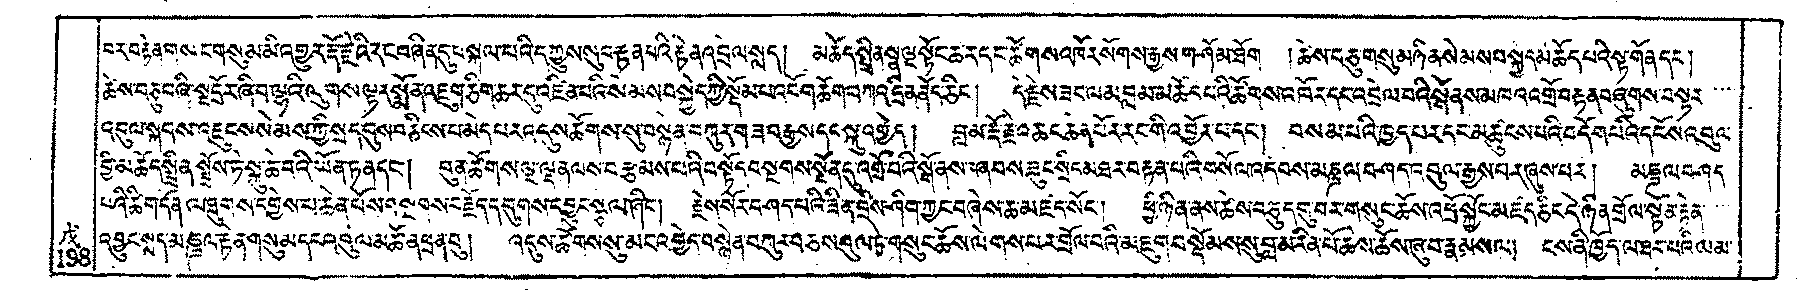བར་བརྟེན་གསང་གསུམ་མི་འགྱུར་རྡོ་རྗེའི་རང་བཞིན་དུ་བསྐལ་པའི་དཀྱུས་སུ་བརྟན་པའི་རྟེན་འབྲེལ་སླད། མཆོད་སྤྲིན་སྣ་ལྔ་སྟོང་ཆར་དང་ཚོགས་འཁོར་སོགས་རྒྱས་གཤོམ་ཐོག །ཚེས་བཅུ་གསུམ་ཉིན་སེམས་བསྐྱེད་མཆོད་པའི་སྟ་གོན་དང་།
ཚེས་བཅུ་བཞི་སྔ་དྲོར་ཞི་བ་ལྷའི་ལུགས་ལྟར་སྨོན་འཇུག་ཅིག་ཆར་དུ་འཛིན་པའི་སེམས་བསྐྱེད་ཀྱི་སྡོམ་པ་འབོག་ཆོག་བཀའ་དྲིན་ནོད་ཅིང་། དེ་རྗེས་ཟབ་ལམ་བླ་མ་མཆོད་པའི་ཚོགས་འཁོར་དང་འབྲེལ་བའི་སྒོ་ནས་མཁའ་འགྲོ་བརྟན་བཞུགས་བསྟར་
འབུལ་སྐབས་འཇུངས་སེམས་ཀྱི་སྲད་བུས་བཅིངས་པ་མེད་པར་འདུས་ཚོགས་སུ་བསྙེན་བཀུར་གཟབ་རྒྱས་དང་སྐུ་འགྱེད། བླ་མ་རྡོ་རྗེ་འཆང་ཆེན་པོར་རང་གི་འབྱོར་པ་དང་། བསམ་པའི་ཁྱད་པར་དང་མཚུངས་པའི་བདོག་པའི་དངོས་འབུལ་
གྱི་མཆོད་སྤྲིན་སྤྲོས་ཏེ་སྐུ་ཆེ་བའི་ཡོན་ཏན་དང་། ཕུན་ཚོགས་ལྔ་ལྡན་ལས་བརྩམས་པའི་བསྟོད་བསྔགས་སྔོན་དུ་འགྲོ་བའི་སྒོ་ནས་༧ཞབས་ཟུང་སྲིད་མཐར་བརྟན་པའི་གསོལ་འདེབས་མཎྜལ་བཤད་འབུལ་རྒྱས་པར་ཞུས་པར། མཎྜལ་བཤད་
པའི་ཚིག་དོན་ལ་ཐུགས་དགྱེས་པ་ཆེན་པོས་བསྔགས་བརྗོད་དབུགས་དབྱུང་སྩལ་ཞིང་། རྗེས་སོར་བཤད་པའི་ཟིན་བྲིས་ཤིག་ཀྱང་བཞེས་ཆ་མཛད་སོང་། ཕྱི་ཉིན་ནས་ཚེས་བཅུ་དགུ་བར་གསུང་ཆོས་འཕྲོ་སྐྱོང་མཛད་ཅིང་དེ་ཉིན་གྲོལ་སྟོན་རྟེན་
འབྱུང་སླད་མཎྜལ་རྟེན་གསུམ་དང་འབུལ་མཚོན་ཕྲན་བུ། འདུས་ཚོགས་སུ་མང་འགྱེད་བསྙེན་བཀུར་བཅས་བུལ་ཏེ་གསུང་ཆོས་ལེགས་པར་གྲོལ་བའི་མཇུག་བསྡོམས་སུ་བླ་མ་རིན་པོ་ཆེས་ཆོས་ཞུ་བ་རྣམས་ལ། ངས་ནི་ཁྱོད་ལ་ཐར་པའི་ལམ་